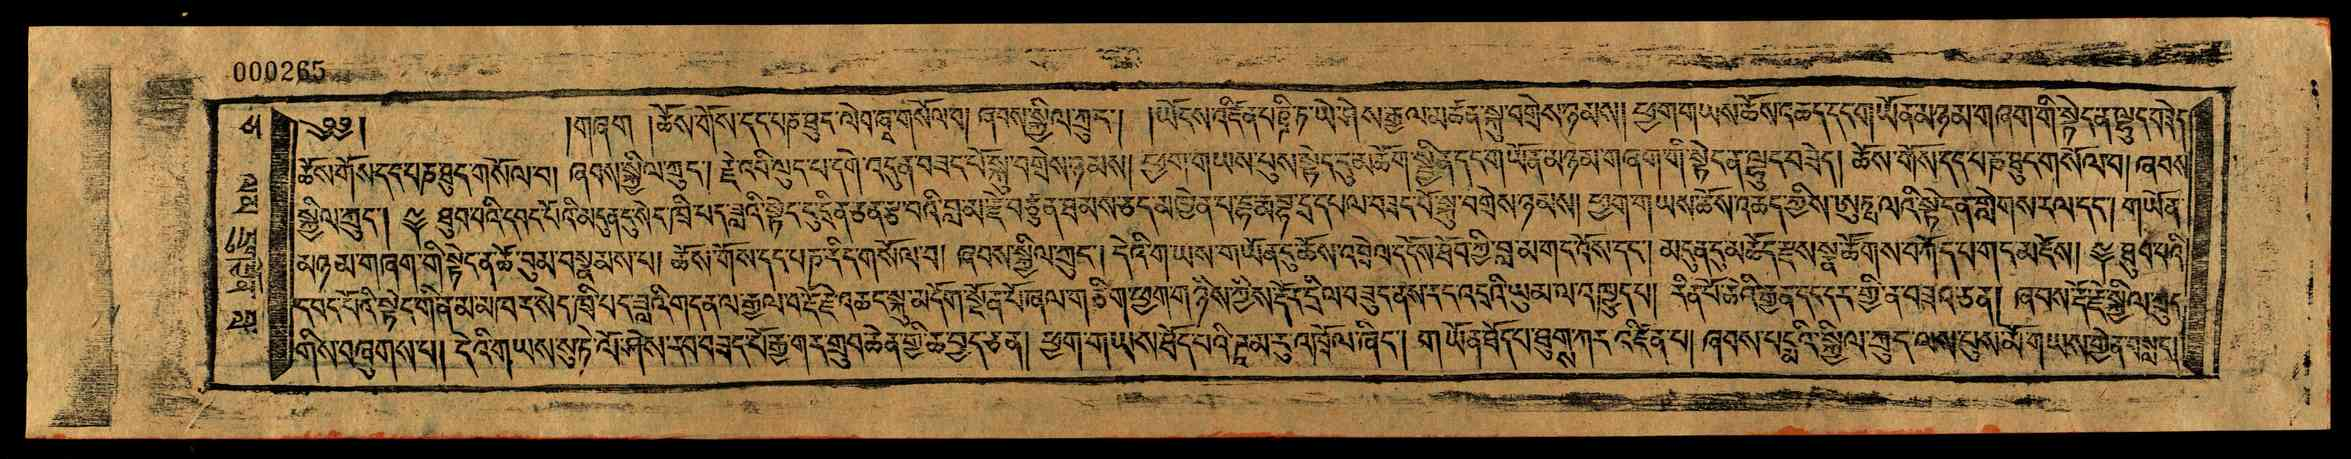༄༅། །གཞག །ཆོས་གོས་དར་པཎ་ཐུང་ལེབ་ཞྭ་གསོལ་བ། ཞབས་སྐྱིལ་ཀྲུང་། ཡོངས་འཛིན་པཎྜི་ཏྲ་ཡེ་ཤེས་རྒྱལ་མཚན་སྐུ་བགྲེས་ཉམས། ཕྱག་གཡས་ཆོས་འཆད་དང་གཡོན་མཉམ་གཞག་གི་སྟེང་ན་ལྷུང་བཟེད་
ཆོས་གོས་དང་པཎ་ཐུང་གསོལ་བ། ཞབས་སྐྱིལ་ཀྲུང་། རྗེ་འབི་ལུང་པ་དགེ་འདུན་བཟང་པོ་སྐུ་བགྲེས་ཉམས། ཕྱག་གཡས་པུས་སྟེང་དུ་མཆོག་སྦྱིན་དང་གཡོན་མཉམ་གཞག་གི་སྟེང་ན་ལྷུང་བཟེད། ཆོས་གོས་དང་པཎ་ཐུང་གསོལ་བ། ཞབས་
སྐྱིལ་ཀྲུང་། ༈ ཐུབ་པའི་དབང་པོའི་མདུན་དུ་སེང་ཁྲི་པད་ཟླའི་སྟེང་དུ་དྲིན་ཅན་རྩ་བའི་བླ་མ་རྗེ་བཙུན་ཐམས་ཅད་མཁྱེན་པ་དྷརྨ་བྷ་དྲ་དཔལ་བཟང་པོ་སྐུ་བགྲེས་ཉམས། ཕྱག་གཡས་ཆོས་འཆད་ཀྱིས་ཨུཏྤ་ལའི་སྟེང་ན་གླེགས་རལ་དང་། གཡོན་
མཉམ་གཞག་གི་སྟེང་ན་ཚེ་བུམ་བསྣམས་པ། ཆོས་གོས་དང་པཎ་རིང་གསོལ་བ། ཞབས་སྐྱིལ་ཀྲུང་། དེའི་གཡས་གཡོན་དུ་ཆོས་འབྲེལ་དངོས་ཐོབ་ཀྱི་བླ་མ་གང་འོས་དང་། མདུན་དུ་མཆོད་རྫས་སྣ་ཚོགས་བཀོད་པ་གང་མཛེས། འ་ཐུབ་པའི་
དབང་པོའི་སྟེང་གི་ནམ་མཁར་སེང་ཁྲི་པད་ཟླའི་གདན་ལ་རྒྱལ་བ་རྡོ་རྗེ་འཆང་སྐུ་མདོག་སྔོན་པོ་ཞལ་གཅིག་ཕྱག་གཉིས་ཀྱིས་རྡོར་དྲིལ་བཟུང་ནས་རང་འདྲའི་ཡུམ་ལ་འཁྱུད་པ། རིན་པོ་ཆེའི་རྒྱན་དང་དར་གྱིན་བཟའ་ཅན། ཞབས་རྡོ་རྗེ་སྐྱིལ་ཀྲུང་
གྱིས་བཞུགས་པ། དེའི་གཡས་སུ་ཏཻ་ལོ་ཤེས་རབ་བཟང་པོ་རྒྱ་གར་གྲུབ་ཆེན་གྱི་ཆ་བྱད་ཅན། ཕྱག་གཡས་ཐོད་པའི་ཌཱ་མ་རུ་འཁྲོལ་ཞིང་། གཡོན་ཐོད་པ་ཐུགས་ཀར་འཛིན་པ། ཞབས་པདམའི་སྐྱིལ་ཀྲུང་ལས་པུས་མོ་གཡས་གྱེན་བསླད་